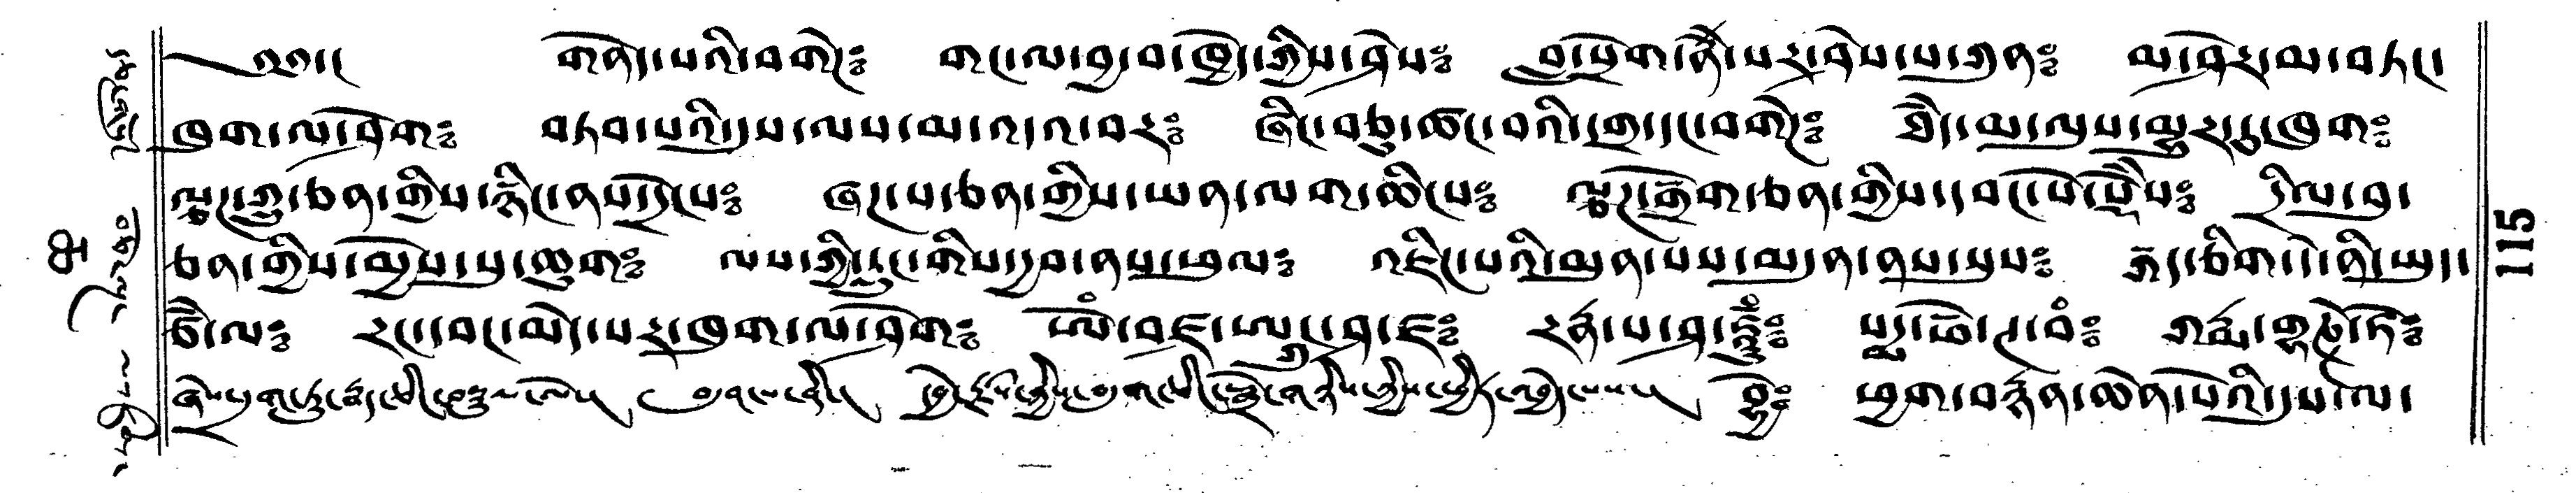གནོད་པའི་བགེགས༔ གང་ལ་བྱ་བ་ཁྱོད་ཀྱིས་ཤེས༔ བླ་སྲོག་རྣམ་པར་ཤེས་པ་ཀུན༔ མ་ཤོར་མ་བཏང་
ཁུག་ལ་ཤོག༔ བཏབ་པའི་དུས་ལས་མ་འདའ་བར༔ ཞིང་བཅུ་ཚང་བའི་དགྲ་དང་བགེགས༔ ཐམས་ཅད་མ་ལུས་མྱུར་དུ་ཁུག༔ 
ལྕགས་ཀྱུ་ཅན་གྱིས་སྙིང་ནས་དྲོངས༔ ཞགས་པ་ཅན་གྱིས་ཡན་ལག་ཆིངས༔ ལྕགས་སྒྲོག་ཅན་གྱིས་དབང་པོ་སྡོམས༔ དྲིལ་བུ་
ཅན་གྱིས་མྱོས་སུ་ཆུག༔ ལས་ཀྱི་རླུང་གིས་རྒྱབ་ནས་ཕུལ༔ འཇིགས་པའི་མུན་པས་མདུན་ནས་སུས༔ སྐད་ཅིག་དེ་ནི་ཡུད་
ཙམ་ལ༔ རང་དབང་མེད་པར་ཁུག་ལ་ཤོག༔ ཨོཾ་བཛྲ་ཨངྐུ་ཤ་ཛཿ རཏྣ་པ་ཤ་ཧཱུྃ༔ པདྨ་སྥོ་ཊ་བྃ༔ ཀརྨ་གྷཎྜེ་ཧོཿ 
ཞེས་དྲག་ཏུ་རྦད་ཅིང་བསྐུལ་ལོ། བདུན་པ་ནི། དབྱེ་རྫས་ཀྱིས་བདུག་ཅིང་སྒྲོ་གཉིས་ཀྱིས་ཕྱིར་འབྱེད་པས། བྷྱོ༔ ཕྱག་བརྙན་ཆེན་པོའི་དུས་ལ་